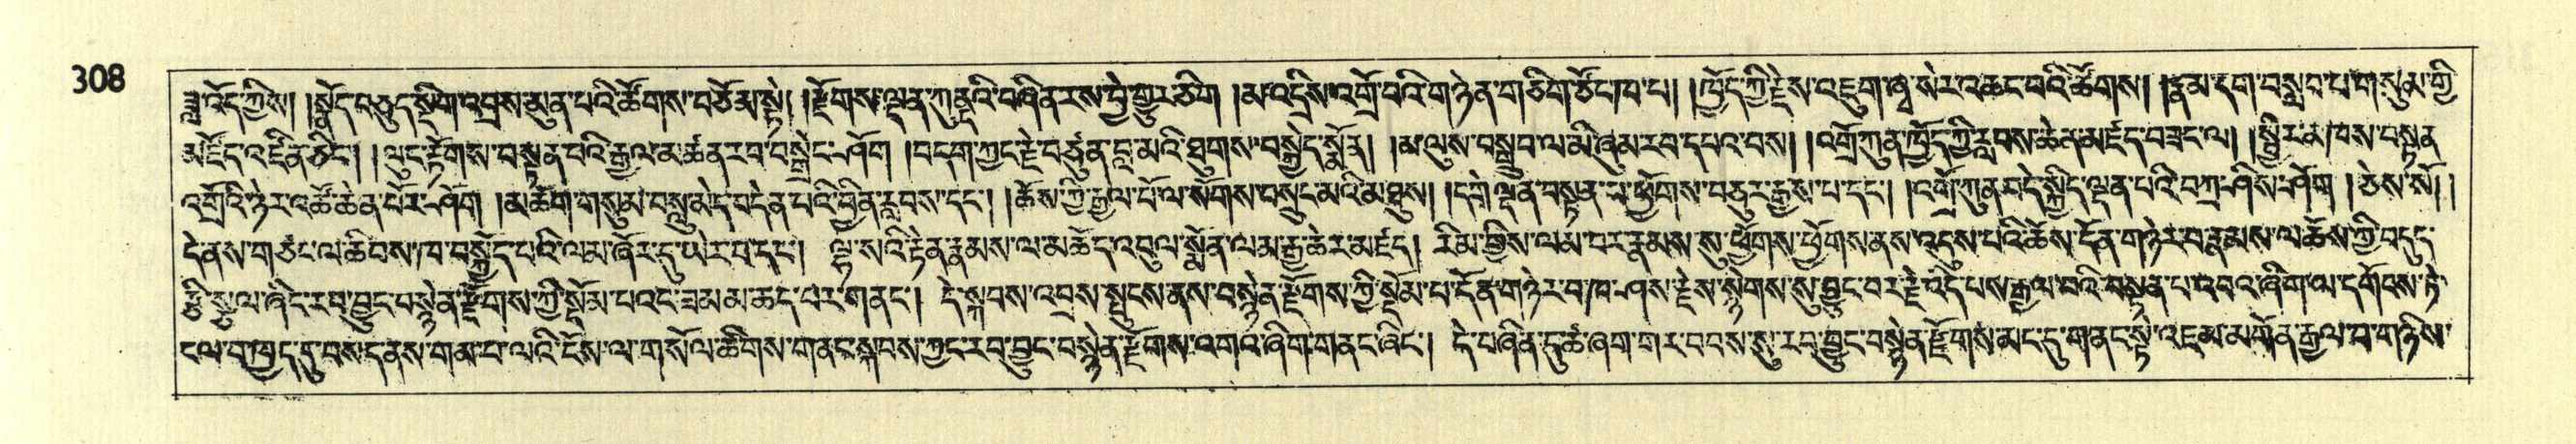ཟླ་འོད་ཀྱིས། །སྣོད་བཅུད་སྡིག་འབྲས་མུན་པའི་ཚོགས་བཅོམ་སྟེ། །རྫོགས་ལྡན་ཀུནྡའི་བཞིན་རས་བྱེ་གྱུར་ཅིག །མ་འདྲིས་འགྲོ་བའི་གཉེན་གཅིག་ཙོང་ཁ་པ། །ཁྱོད་ཀྱི་རྗེས་འཇུག་ཞྭ་སེར་འཆང་བའི་ཚོགས། །རྣམ་དག་བསླབ་པ་གསུམ་གྱི་
མཛོད་འཛིན་ཅིང་། །ལུང་རྟོགས་བསྟན་པའི་རྒྱལ་མཚན་རབ་བསྒྲེང་ཤོག །བདག་ཀྱང་རྗེ་བཙུན་བླ་མའི་ཐུགས་བསྐྱེད་སྨོན། །མ་ལུས་བསྒྲུབ་ལ་མི་ཞུམ་རབ་དཔའ་བས། །འགྲོ་ཀུན་ཁྱོད་ཀྱི་རླབས་ཆེན་མཛད་བཟང་ལ། །སྦྱིར་མཁས་བསྟན་
འགྲོའི་ཉེར་འཚོ་ཆེན་པོར་ཤོག །མཆོག་གསུམ་བསླུ་མེད་བདེན་པའི་བྱིན་རླབས་དང་། །ཆོས་ཀྱི་རྒྱལ་པོ་ལ་སོགས་བསྲུང་མའི་མཐུས། །དགེ་ལྡན་བསྟན་པ་ཕྱོགས་བཅུར་རྒྱས་པ་དང་། །འགྲོ་ཀུན་བདེ་སྐྱིད་ལྡན་པའི་བཀྲ་ཤིས་ཤོག །ཅེས་སོ། །
དེ་ནས་གཙང་ལ་ཆིབས་ཁ་བསྐྱོད་པའི་ལམ་ཞོར་དུ་ཡེར་བ་དང་། ལྷ་སའི་རྟེན་རྣམས་ལ་མཆོད་འབུལ་སྨོན་ལམ་རྒྱ་ཆེར་མཛད། རིམ་གྱིས་ལམ་བར་རྣམས་སུ་ཕྱོགས་ཕྱོགས་ནས་འདུས་པའི་ཆོས་དོན་གཉེར་བ་རྣམས་ལ་ཆོས་ཀྱི་བདུད་
རྩི་སྩལ་ཞིང་རབ་བྱུང་བསྙེན་རྫོགས་ཀྱི་སྡོམ་པའང་ཟམ་མ་ཆད་པར་གནང་། དེ་སྐབས་འབྲས་སྤུངས་ནས་བསྙེན་རྫོགས་ཀྱི་སྡོམ་པ་དོན་གཉེར་བ་ཁ་ཤས་རྗེས་སྙེགས་སུ་བྱུང་བར་རྗེ་འདི་པས་རྒྱལ་བའི་བསྟན་པ་འབའ་ཞིག་ལ་དགོངས་ཏེ་
ངལ་བ་ཁྱད་དུ་བསད་ནས་གམ་པ་ལའི་ངོས་ལ་གསོལ་ཚིགས་གནང་སྐབས་ཀྱང་རབ་བྱུང་བསྙེན་རྫོགས་འགའ་ཞིག་གནང་ཞིང་། དེ་བཞིན་དུ་ཚ་ཞག་གར་བབས་སུ་རབ་བྱུང་བསྙེན་རྫོགས་མང་དུ་གནང་སྟེ་འཇམ་མགོན་རྒྱལ་བ་གཉིས་